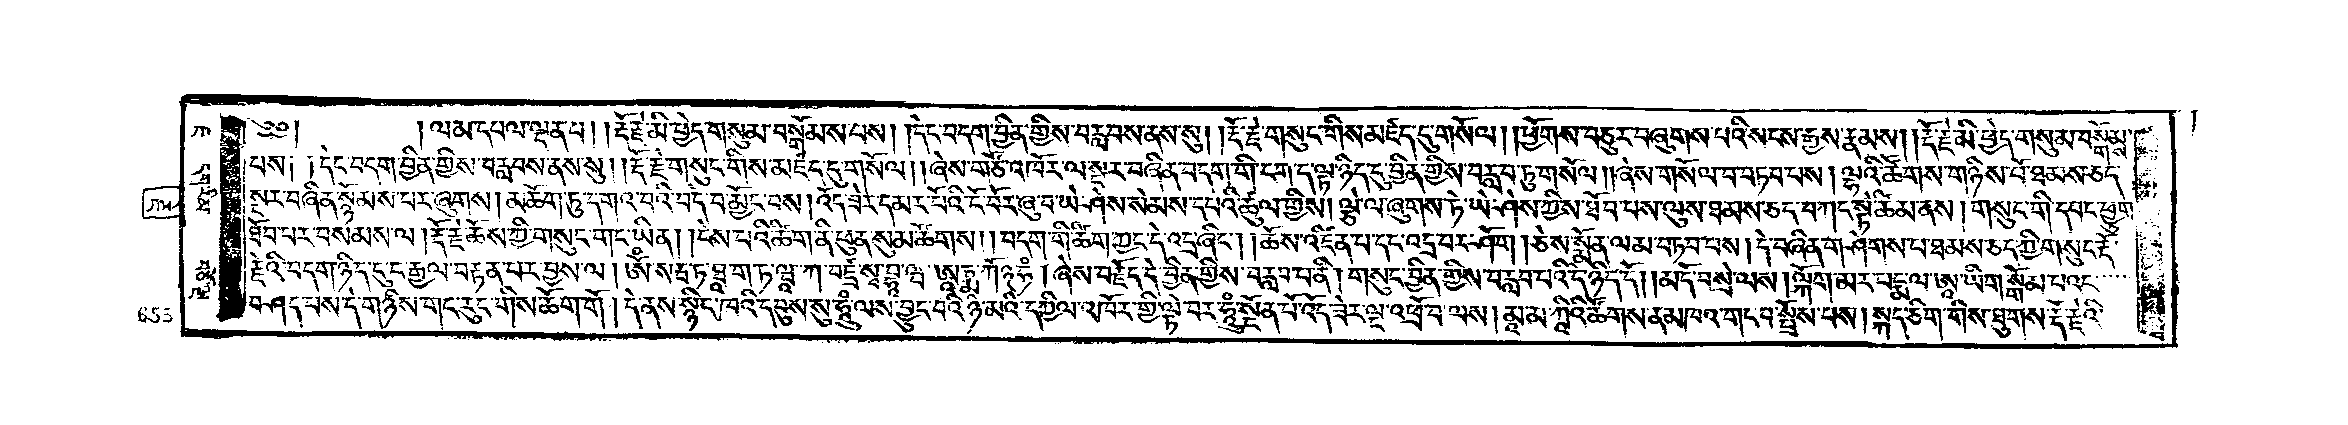༄༅། །ལམ་དཔལ་ལྡན་པ། །རྡོ་རྗེ་མི་ཕྱེད་གསུམ་བསྒོམས་པས། །དེང་བདག་བྱིན་གྱིས་བརླབས་ནས་སུ། །རྡོ་རྗེ་གསུང་གིས་མཛད་དུ་གསོལ། །ཕྱོགས་བཅུར་བཞུགས་པའི་སངས་རྒྱས་རྣམས། །རྡོ་རྗེ་མི་ཕྱེད་གསུམ་བསྒོམས་
པས༑ ༑དེང་བདག་བྱིན་གྱིས་བརླབས་ནས་སུ། །རྡོ་རྗེ་གསུང་གིས་མཛད་དུ་གསོལ། །ཞེས་གཙོ་འཁོར་ལ་སྔར་བཞིན་བདག་གི་ངག་ད་ལྟ་ཉིད་དུ་བྱིན་གྱིས་བརླབ་ཏུ་གསོལ། །ཞེས་གསོལ་བ་བཏབ་པས། ལྷའི་ཚོགས་གཉིས་པོ་ཐམས་ཅད་
སྔར་བཞིན་སྙོམས་པར་ཞུགས། མཆོག་ཏུ་དགའ་བའི་བདེ་བ་མྱོང་བས། འོད་ཟེར་དམར་པོའི་ངོ་བོར་ཞུ་བ་ཡེ་ཤེས་སེམས་དཔའི་ཚུལ་གྱིས། ལྕེ་ལ་ཞུགས་ཏེ་ཡེ་ཤེས་ཀྱི་ས་ཐོབ་པས་ལུས་ཐམས་ཅད་བཀང་སྟེ་ཚིམ་ནས། གསུང་གི་དབང་ཕྱུག་
ཐོབ་པར་བསམས་ལ། རྡོ་རྗེ་ཆོས་ཀྱི་གསུང་གང་ཡིན། །ངེས་པའི་ཚིག་ནི་ཕུན་སུམ་ཚོགས། །བདག་གི་ཚིག་ཀྱང་དེ་འདྲ་ཞིང་། །ཆོས་འཛིན་པ་དང་འདྲ་བར་ཤོག །ཅེས་སྨོན་ལམ་བཏབ་པས། དེ་བཞིན་གཤེགས་པ་ཐམས་ཅད་ཀྱི་གསུང་རྡོ་
རྗེའི་བདག་ཉིད་དུ་ང་རྒྱལ་བརྟན་པར་བྱས་ལ། ཨོཾ་སརྦ་ཏ་ཐཱ་ག་ཏ་ཝཱ་ཀ་བཛྲ་སྭ་བྷཱ་ཝ་ཨཱཏྨ་ཀོཉ་ཧཾ། ཞེས་བརྗོད་དེ་བྱིན་གྱིས་བརླབ་པ་ནི། གསུང་བྱིན་གྱིས་བརླབ་པའི་དེ་ཉིད་དོ། །མདོ་བསྲེ་ལས། ལྐོག་མར་པདམ་ལ་ཨཱ་ཡིག་སྒོམ་པའང་
བཤད་པས་དེ་གཉིས་གང་རུང་གིས་ཆོག་གོ །དེ་ནས་སྙིང་ཁའི་དབུས་སུ་ཧཱུཾ་ལས་བྱུང་བའི་ཉི་མའི་དཀྱིལ་འཁོར་གྱི་ལྟེ་བར་ཧཱུཾ་སྔོན་པོ་འོད་ཟེར་ལྔ་འཕྲོ་བ་ལས། མཱ་མ་ཀཱིའི་ཚོགས་ནམ་མཁའ་གང་བ་སྤྲོས་པས། སྐད་ཅིག་གིས་ཐུགས་རྡོ་རྗེའི་